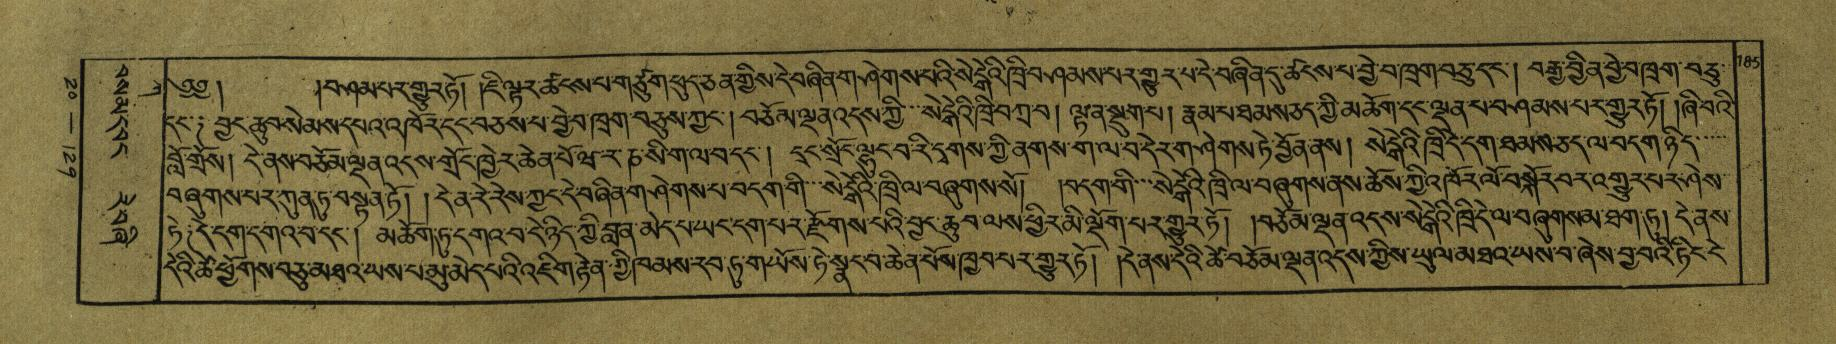༄༅། །བཤམ་པར་གྱུར་ཏོ། །ཇི་ལྟར་ཚངས་པ་གཙུག་ཕུད་ཅན་གྱིས་དེ་བཞིན་གཤེགས་པའི་སེངྒེའི་ཁྲི་བཤམས་པར་གྱུར་པ་དེ་བཞིན་དུ་ཚངས་པ་བྱེ་བ་ཁྲག་བཅུ་དང་། བརྒྱ་བྱིན་བྱེ་བ་ཁྲག་བཅུ་
དང༑ བྱང་ཆུབ་སེམས་དཔའ་འཁོར་དང་བཅས་པ་བྱེ་བ་ཁྲག་བཅུས་ཀྱང་། བཅོམ་ལྡན་འདས་ཀྱི་སེངྒེའི་ཁྲི་བཀྲ་བ། ལྟ་ན་སྡུག་པ། རྣམ་པ་ཐམས་ཅད་ཀྱི་མཆོག་དང་ལྡན་པ་བཤམས་པར་གྱུར་ཏོ། །ཞི་བའི་
བློ་གྲོས། དེ་ནས་བཅོམ་ལྡན་འདས་གྲོང་ཁྱེར་ཆེན་པོ་ཝ་ར་ཎ་སི་ག་ལ་བ་དང་། དྲང་སྲོང་ལྷུང་བ་རི་དྭགས་ཀྱི་ནགས་ག་ལ་བ་དེར་གཤེགས་ཏེ་བྱོན་ནས། སེངྒེའི་ཁྲི་དེ་དག་ཐམས་ཅད་ལ་བདག་ཉིད་
བཞུགས་པར་ཀུན་ཏུ་བསྟན་ཏོ། །དེ་ན་རེ་རེས་ཀྱང་དེ་བཞིན་གཤེགས་པ་བདག་གི་སེངྒེའི་ཁྲི་ལ་བཞུགས་སོ། །བདག་གི་སེངྒེའི་ཁྲི་ལ་བཞུགས་ནས་ཆོས་ཀྱི་འཁོར་ལོ་བསྐོར་བར་འགྱུར་པར་ཤེས་
ཏེ༑ དེ་དག་དགའ་བ་དང་། མཆོག་ཏུ་དགའ་བ་དེ་ཉིད་ཀྱི་བླ་ན་མེད་པ་ཡང་དག་པར་རྫོགས་པའི་བྱང་ཆུབ་ལས་ཕྱིར་མི་ལྡོག་པར་གྱུར་ཏོ། །བཅོམ་ལྡན་འདས་སེངྒེའི་ཁྲི་དེ་ལ་བཞུགས་མ་ཐག་ཏུ། དེ་ནས་
དེའི་ཚེ་ཕྱོགས་བཅུ་མཐའ་ཡས་པ་མུ་མེད་པའི་འཇིག་རྟེན་གྱི་ཁམས་རབ་ཏུ་གཡོས་ཏེ་སྣང་བ་ཆེན་པོས་ཁྱབ་པར་གྱུར་ཏོ། །དེ་ནས་དེའི་ཚེ་བཅོམ་ལྡན་འདས་ཀྱིས་ཡུལ་མཐའ་ཡས་བ་ཞེས་བྱ་བའི་ཏིང་ངེ་